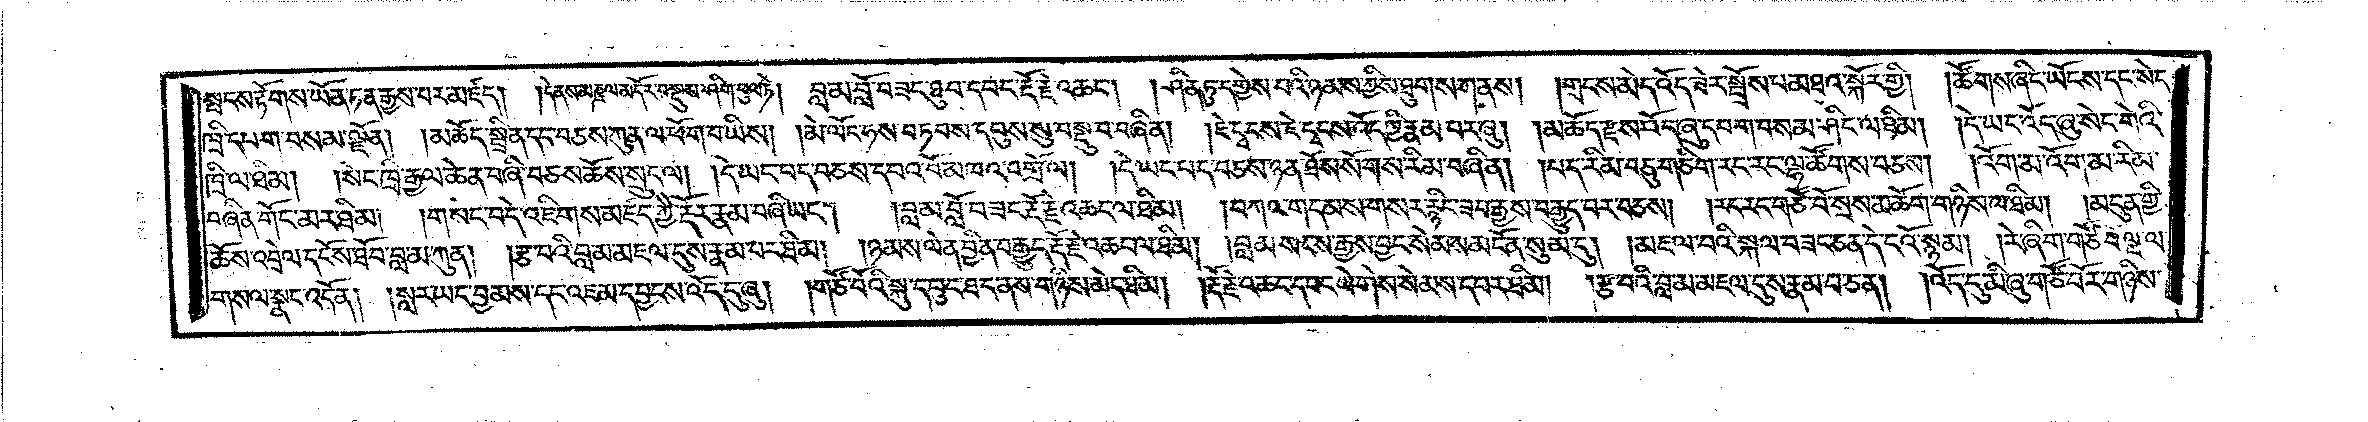སྤངས་རྟོགས་ཡོན་ཏན་རྒྱས་པར་མཛད། །དེ་ནས་མཎྜལ་མདོར་བསྡུས་ཤིག་ཕུལ་ཏེ།  བླ་མ་བློ་བཟང་ཐུབ་དབང་རྡོ་རྗེ་འཆང་། །ཤིན་ཏུ་དགྱེས་བའི་ཉམས་ཀྱིས་ཐུགས་གནས། །གྲངས་མེད་འོད་ཟེར་སྤྲོས་པ་མཐའ་སྐོར་གྱི། །ཚོགས་ཞིང་ཡོངས་དང་སེང་
ཁྲི་དཔག་བསམ་ལྗོན། །མཆོད་སྤྲིན་དང་བཅས་ཀུན་ལ་ཕོག་པ་ཡིས། །མེ་ལོང་ཧས་བཏབས་དབུས་སུ་བསྡུ་བ་བཞིན། །ཇེ་དྭངས་ཇེ་དྭངས་འོད་ཀྱི་རྣམ་པར་ཞུ། །མཆོད་རྫས་བོད་ཞུ་དབག་བསམ་ཤིང་ལ་ཐིམ། །དེ་ཡང་འོད་ཞུ་སེང་གེའི་
ཁྲི་ལ་ཐིམ། །སེང་ཁྲི་རྒྱལ་ཆེན་བཞི་བཅས་ཆོས་སྲུང་ལ། །དེ་ཡང་བད་བཅས་དཔའ་བོ་མཁའ་འགྲོ་ལ། །དེ་ཡང་བད་བཅས་ཉན་ཐོས་སོགས་རིམ་བཞིན། །པད་རིམ་བཅུ་གཅིག་རང་རང་ལྷ་ཚོགས་བཅས། །འོག་མ་འོག་མ་རིམ་
བཞིན་གོང་མར་ཐིམ། །གསང་བདེ་འཇིགས་མཛད་ཀྱཻ་རྡོར་རྣམ་བཞི་ཡང་། །བླ་མ་བློ་བཟང་རྡོ་རྗེ་འཆང་ལ་ཐིམ། །བཀའ་གདམས་གསར་རྙིང་ཟབ་རྒྱས་བརྒྱུད་བར་བཅས། །རང་རང་གཙོ་བོ་སྲས་མཆོག་གཉིས་ལ་ཐིམ། །མདུན་གྱི་
ཆོས་འབྲེལ་དངོས་ཐོབ་བླ་མ་ཀུན། །རྩ་བའི་བླ་མ་མཇལ་དུས་རྣམ་པར་ཐིམ། །ཉམས་ལེན་བྱིན་བརྒྱུད་རྡོ་རྗེ་འཆང་ལ་ཐིམ། །བླ་མ་སངས་རྒྱས་བྱང་སེམས་མངོན་སུམ་དུ། །མཇལ་བའི་སྐལ་བཟང་ཅན་དེ་ངའོ་སྙམ། །རེ་ཞིག་གཙོ་བླྔ་ལ་
གསལ་སྣང་འདོན། །སླར་ཡང་བྱམས་དང་འཇམ་དབྱངས་འོད་དུ་ཞུ། །གཙོ་བོའི་སྐུ་དབུང་ཐང་ནས་གཉིས་མེད་ཐིམ། །རྡོ་རྗེ་འཆང་དབང་ཡེ་གེས་སེམས་དབར་ཐིམ། །རྩ་བའི་བླ་མ་མཇལ་དུས་རྣམ་པ་ཅན། །འོད་དུ་མི་ཞུ་གཙོ་བོར་གཉིས་